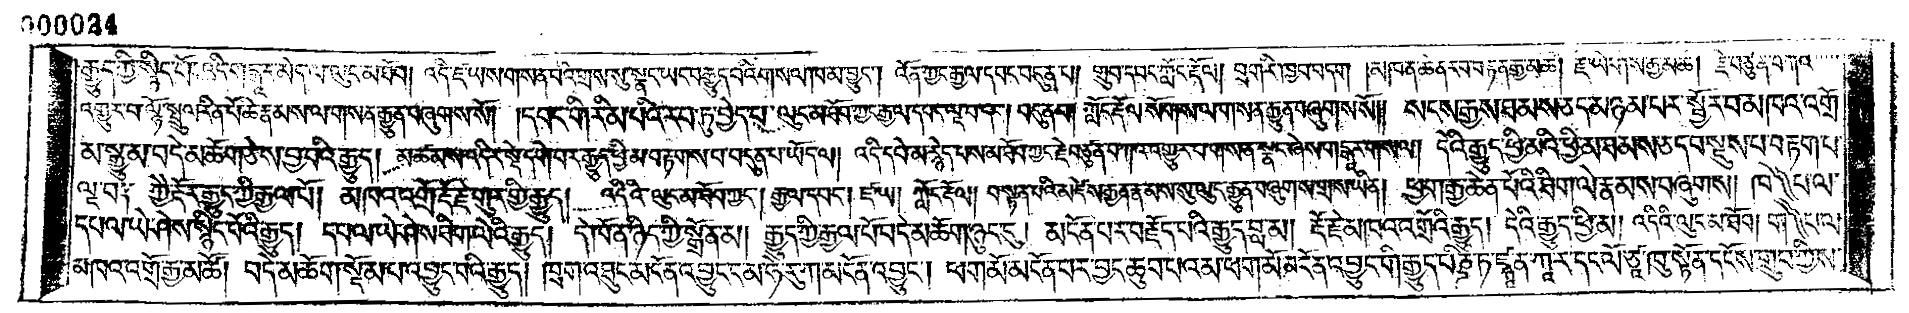རྒྱུད་ཀྱི་སྙིང་པོ་འདི་གངྒཱར་མེད་ལ་ལུང་མ་ཐོབ།  འདི་ཛ་ཡས་གསན་པའི་གྲས་སུ་སྣང་ཡང་བརྒྱུད་བའི་གསལ་ཁ་མ་བྱུང་། འོན་ཀྱང་རྒྱལ་དབང་བདུན་པ། གྲུབ་དབང་ཀློང་རྡོལ། བྲག་རི་ཁྱབ་བདག །མཁན་ཆེན་རབ་བརྟན་རྒྱ་མཚོ། རྗེ་ཡེ་ཤེས་རྒྱ་མཚོ། རྗེ་བཙུན་བཀའ་
འགྱུར་བ་ལྷོ་སྤྲུལ་རིན་པོ་ཆེ་རྣམས་ལ་གསན་རྒྱུན་བཞུགས་སོ། །དབང་གི་རིམ་པའི་རབ་ཏུ་བྱེད་ལུང་མ་ཐོབ་ཀྱང་རྒྱལ་དབང་ལྔ་བ་དང་།  པ་བདུན་པ། ཀློང་རྡོལ་སོགས་ལ་གསན་རྒྱུན་བཞུགས་སོ།། སངས་རྒྱས་ཐམས་ཅད་མཉམ་པར་སྦྱོར་བ་མཁའ་འགྲོ་
མ་སྒྱུ་མ་བདེ་མཆོག་ཅེས་བྱ་བའི་རྒྱུད་མཚམས་འདིར་སྡེ་དགེ་བར་རྒྱུད་ཕྱི་མ་བརྟགས་པ་བདུན་པ་ཡོད་ལ། འདི་དཔེ་མ་རྙེད་པས་མ་ཐོབ་ཀྱང་རྗེ་བཙུན་བཀའ་འགྱུར་པ་གསན་སྣང་ཞེས་གངྒཱར་གསལ། དེའི་རྒྱུད་ཕྱི་མའི་ཕྱི་མ་ཐམས་ཅད་བསྡུས་པ་བརྟག་པ་
ལྔ་བ༑ ཀྱཻ་རྡོར་རྒྱུད་ཀྱི་རྒྱལ་པོ། མཁའ་འགྲོ་རྡོ་རྗེ་གུར་གྱི་རྒྱུད། འདིའི་ལུང་མ་ཐོབ་ཀྱང་།  རྒྱལ་དབང་། ཛ་ཡ། ཀློང་རྡོལ། བསྟན་པའི་མཛེས་རྒྱན་རྣམས་སུ་ལུང་རྒྱུན་བཞུགས་གྲས་ཡིན། ཕྱག་རྒྱ་ཆེན་པོའི་ཐིག་ལེ་རྣམས་བཞུགས། ཁ༼༽ པ་ལ་
དཔལ་ཡེ་ཤེས་སྙིང་པོའི་རྒྱུད། དཔལ་ཡེ་ཤེས་ཐིག་ལེའི་རྒྱུད། དེ་ཁོ་ན་ཉིད་ཀྱི་སྒྲོན་མ། རྒྱུད་ཀྱི་རྒྱལ་པོ་བདེ་མཆོག་ཉུང་དུ། མངོན་པར་བརྗོད་པའི་རྒྱུད་བླ་མ། རྡོ་རྗེ་མཁའ་འགྲོའི་རྒྱུད། དེའི་རྒྱུད་ཕྱི་མ། འདིའི་ལུང་མ་ཐོབ། ག༼༽ པ་ལ་
མཁའ་འགྲོ་རྒྱ་མཚོ། བདེ་མཆོག་སྡོམ་པ་འབྱུང་བའི་རྒྱུད། ཁྲག་འཐུང་མངོན་འབྱུང་ངམ་ཧེ་རུ་ཀ་མངོན་འབྱུང་། ཕག་མོ་མངོན་པར་བྱང་ཆུབ་པའམ་ཕག་མོ་མངོན་འབྱུང་གི་རྒྱུད་པཎྜི་ཏ་ཛྙཱ་ན་ཀཱ་ར་དང་ལོ་ཙཱ་ཁུ་སྟོན་དངོས་གྲུབ་ཀྱིས་